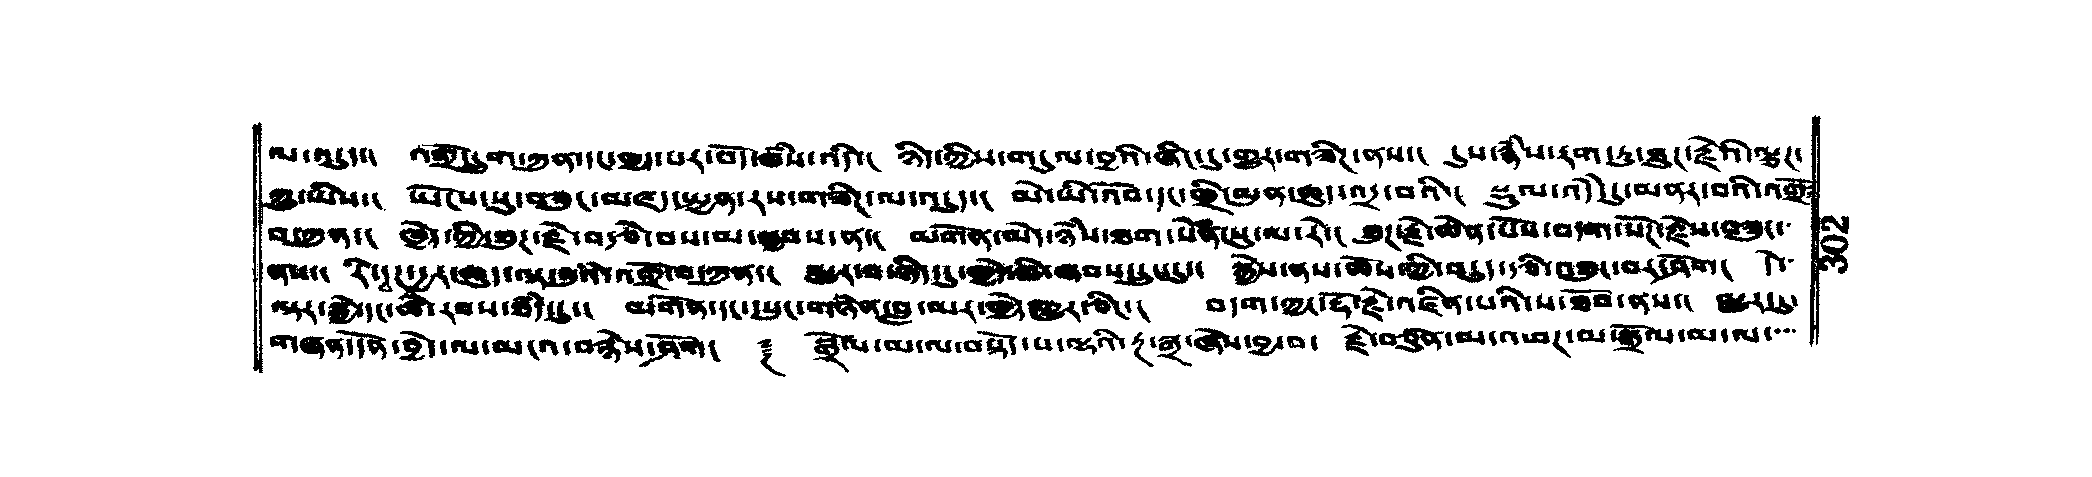ལ་འདུད། །འགྲོ་དྲུག་ཀུན་དང་ཁྱད་པར་བོད་ཁམས་འདི། །ཉིད་ཀྱིས་གདུལ་བྱའི་ཞིང་དུ་གྱུར་གཟིགས་ནས། །དུས་རྣམས་རྟག་ཏུ་ཐུགས་་རྗེའི་ལྕགས་
ཀྱུ་ཡིས། །ཡོངས་སུ་བཟུང་མཛད་སྤྱན་རས་གཟིགས་ལ་འདུད། །མེ་ཡི་འོབས་དང་ཁྲི་མུན་ཆུད་འདྲ་བའི། །སྡུག་བསྔལ་འདམ་དུ་མནར་བའི་འགྲོ་
བ་ཀུན། །ཁྱེད་ཀྱི་ཐུགས་རྗེ་བརྩེ་བས་མ་སྐྱབས་ན། །མགོན་མེད་ཉམས་ཐག་སེམས་ཅན་སུ་ལ་རེ། །ཐུགས་རྗེ་ཆེན་པོས་བདག་སོགས་རྗེས་བཟུང་
ནས། །རི་དྭགས་རྒྱར་ཆུད་ལྟ་བུའི་འགྲོ་བ་ཀུན། །མྱུར་བ་ཉིད་དུ་ཁྱེད་གྱི་ཞབས་དྲུང་དུ། །སྐྱེས་ནས་ཆོས་ཀྱི་བདུད་རྩི་འཐུང་བར་ཤོག །དེ་
ལྟར་སྐྱེ་དང་ཚེ་རབས་ཐམས་ཅད་དུ། །མགོན་དང་དཔུང་གཉེན་བླ་མར་ཁྱེད་གྱུར་ཅིང་། །བདག་ཀྱང་རྡོ་རྗེ་འཛིན་པའི་ས་ཐོབ་ནས། །མྱུར་དུ་
གཞན་དོན་བྱེད་ལ་མངའ་བརྙེས་ཤོག ༈ སྒྲོལ་མ་ལ་བསྟོད་པ་ལྷའི་རྔ་སྒྲ་ཞེས་བྱ་བ། རྗེ་བཙུན་མ་འཕགས་མ་སྒྲོལ་མ་ལ་